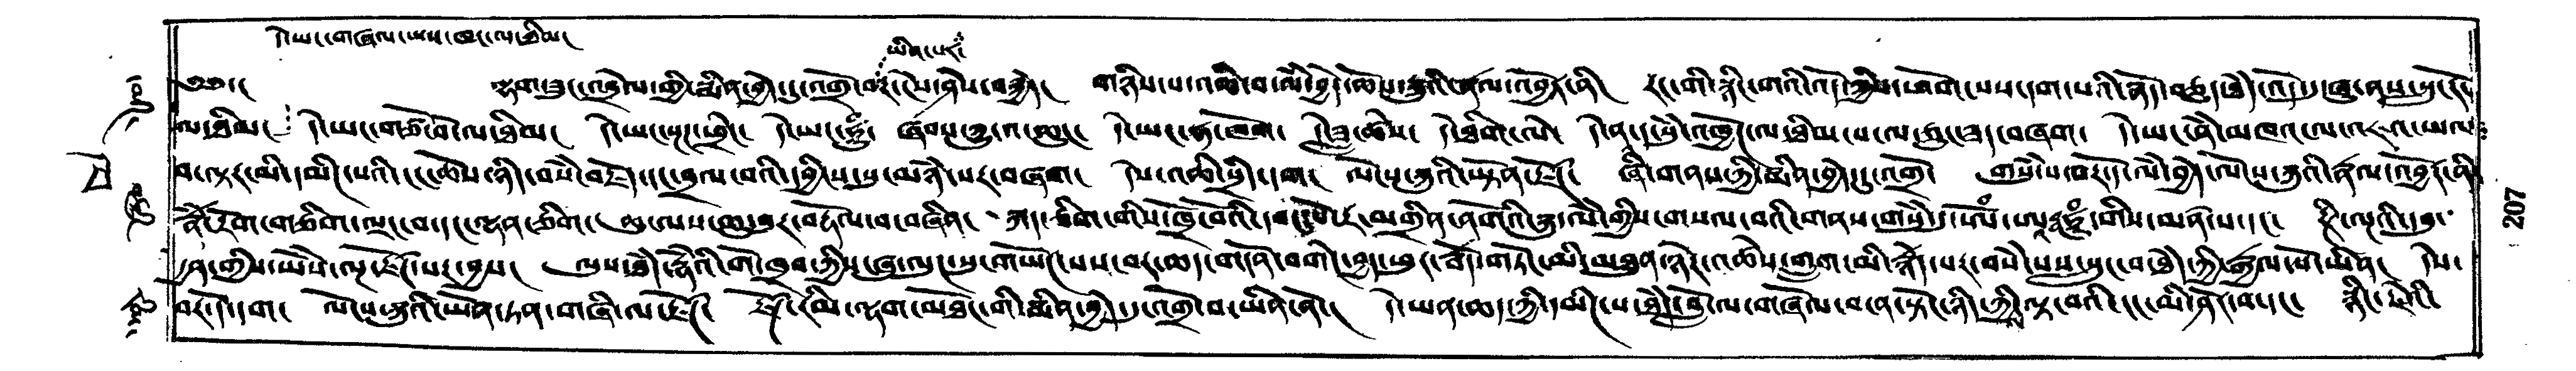ལྷག་ཟུང་འབྲེལ་གྱི་སྨིན་བྱེད་དུ་འགྲོ་བ་ཡིན་པར་ངེས་ཤེས་བསྐྱེད། གཉིས་པ་འཆི་བ་ལམ་བྱེད་ཆོས་སྐུའི་རྣལ་འབྱོར་ནི། རང་གི་སྙིང་གའི་འོད་ཀྱིས་ཕོག་པས་དག་པའི་སྣོད་བཅུད་ཐམས་ཅད་འོད་དུ་ཞུ་ནས་སྲུང་འཁོར་
ལ་ཐིམ། དེ་ཡང་གཞལ་ཡས་ཁང་ལ་ཐིམ། དེ་ཡང་གཙོ་བོ་ལ་ཐིམ། དེ་ཡང་སྔགས་ཕྲེང་། དེ་ཡང་ཧཱུྃཿ ཞབས་ཀྱུ་འ་ཆུང་། དེ་ཡང་ཧ་ཁོག། དེ་ཟླ་ཚེས། དེ་ཐིག་ལེ། དེ་ན་ད་སུམ་འཁྱོགས་ལ་ཐིམ་པར་བསམ་ཏེ་ཅུང་ཟད་བཞག། དེ་ཡང་ནམ་མཁའ་ལ་འཇའ་ཡལ་
བ་ལྟར་མི་དམིགས་པའི་ངང་ཆོས་ཉིད་བསམ་བརྗོད་དང་བྲལ་བའི་དབྱིངས་སུ་མཉམ་པར་བཞག དེས་འཆི་སྲིད་དག། ཆོས་སྐུའི་ཡོན་ཏན་རྫོགས། ཞི་གནས་ཀྱི་སྨིན་བྱེད་དུ་འགྲོ། གསུམ་པ་བར་དོ་ལམ་བྱེད་ལོངས་སྐུའི་རྣལ་འབྱོར་ནི། 
རྣམ་རྟོག་གཅིག་ལྡང་བ་དང་ལྷན་ཅིག་ཆུ་ལས་ཆུ་བུར་བརྡོལ་བ་བཞིན། སྐད་ཅིག་གིས་ཁྲོ་བོའི་དབང་པོ་རྟ་མགྲིན་ནག་པོའི་སྐུ་ལམ་གྱིས་གསལ་བའི་གནས་གསུམ་དུ་ཨོཾ་ཨཱཿཧཱུྃ་གིས་མཚན་པ་དང་། རིགས་ལྔའི་དབུ་
རྒྱན་གྱིས་ཡེ་ཤེས་ལྔ་རྫོགས་པར་བྱས། ལུས་ཐམས་ཅད་རྡོ་རྗེའི་གོ་ཁྲབ་ཀྱིས་ཞུ་ལུགས་སུ་གཡོགས་པས་བར་ཆད་གདོན་བགེགས་བྱད་ཕུར་རྦོད་གཏོང་མི་མཐུན་ཉེར་འཚེས་གླགས་མི་རྙེད་པར་བསམ་པ་སྲུང་བ་ཐམས་ཅད་ཀྱི་རྒྱལ་པོ་ཡིན།དེས་
བར་དོ་དག ལོངས་སྐུའི་ཡོན་ཏན་གཞི་ལ་རྫོགས། རྫོགས་རིམ་ལྷག་མཐོང་གི་སྨིན་བྱེད་དུ་འགྲོ་བ་ཡིན་ནོ།། དེ་ཡན་ཆད་ཀྱི་དམིགས་པ་ཐམས་ཅད་བློ་ལ་གཞོལ་བ་ན་སྟོང་ཉིད་ཀྱིས་ལྟ་བའི་ངང་མི་ཤོར་བ་དང་། སྙིང་རྗེའི་